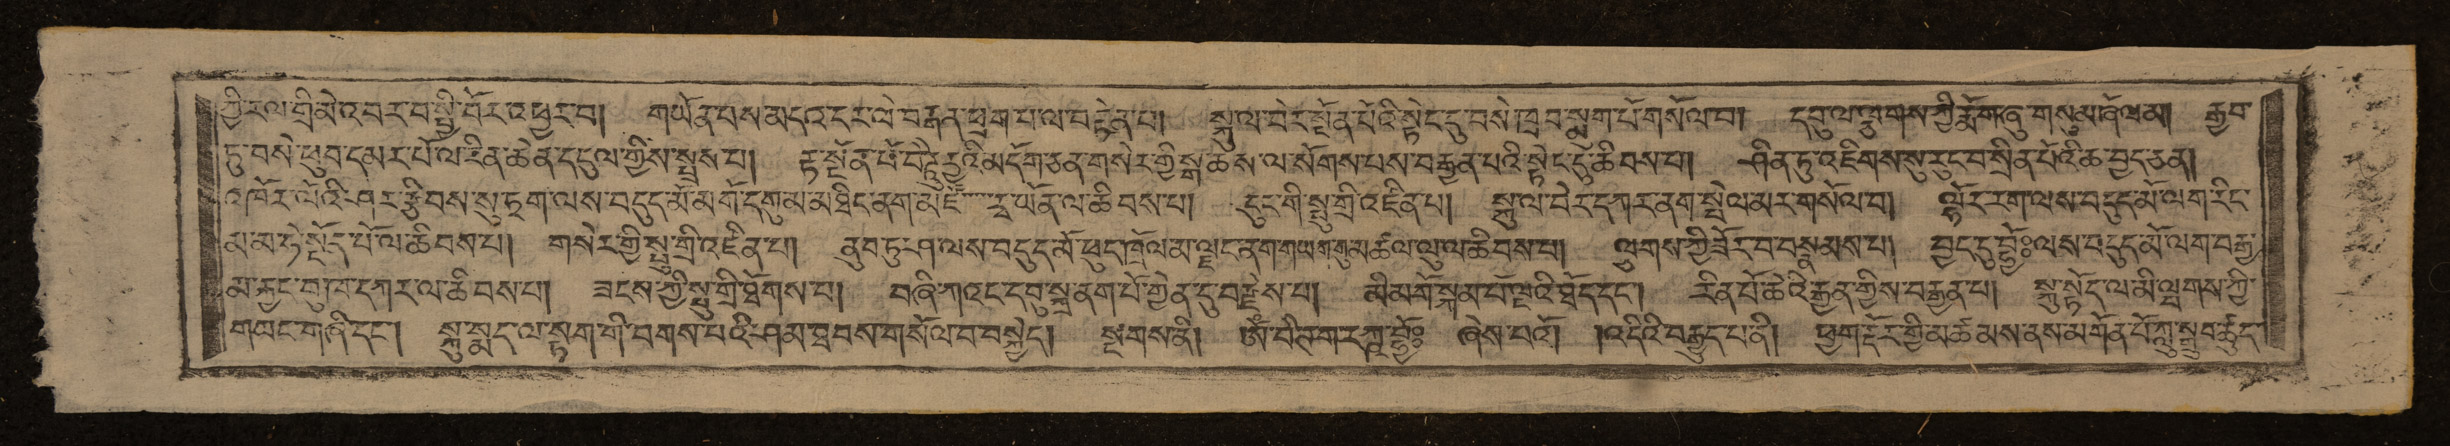ཀྱི་རལ་གྲི་མེ་འབར་བ་སྤྱི་བོར་འཕྱར་བ། གཡོན་པས་མདའ་དར་ལེ་བརྒན་ཕྲག་པ་ལ་བརྟེན་པ། སྐུལ་བེར་སྔོན་པོའི་སྟེང་དུ་བསེ་ཁྲབ་སྨུག་པོ་གསོལ་བ། དབུལ་ལྕགས་ཀྱི་རྨོག་ཞུ་གསུམ་ཞོལ་མ། རྒྱབ་
ཏུ་བསེ་ཕུབ་དམར་པོ་ལ་རིན་ཆེན་དངུལ་གྱིས་སྤྲས་པ། རྟ་སྔོན་པོ་བཻཌཱུརྱའི་མདོག་ཅན་གསེར་གྱི་སྒ་ཆས་ལ་སོགས་པས་བརྒྱན་པའི་སྟེང་དུ་ཆིབས་པ། ཤིན་ཏུ་འཇིགས་སུ་རུང་བ་སྲིན་པོའི་ཆ་བྱད་ཅན།
འཁོར་ལོའི་ཤར་རྩིབས་སུ་ཏྲག་ལས་བདུད་མོ་མགོ་དགུ་མ་མཐིང་ནག་མཛོ་རྭ་ཡོན་ལ་ཆིབས་པ། དུང་གི་སྤུ་གྲི་འཛིན་པ། སྐུ་ལ་བེར་དཀར་ནག་སྤེལ་མར་གསོལ་བ། ལྷོར་རག་ལས་བདུད་མོ་ལག་རིང་
མ་མ་ཧེ་སྔོན་པོ་ལ་ཆིབས་པ། གསེར་གྱི་སྤུ་གྲི་འཛིན་པ། ནུབ་ཏུ་ཤ་ལས་བདུད་མོ་ཕུད་ཁྲོལ་མ་ལྗང་ནག་གཡས་སུམ་ཚལ་ལུ་ལ་ཆིབས་པ། ལྕགས་ཀྱི་ཟོར་བ་བསྣམས་པ། བྱང་དུ་བྷྱོཿལས་བདུད་མོ་ལག་བརྒྱ་
མ་རྐྱང་བུ་ཁ་དཀར་ལ་ཆིབས་པ། ཟངས་ཀྱི་སྤུ་གྲི་ཐོགས་པ། བཞི་ཀའང་དབུ་སྐྲ་ནག་པོ་གྱེན་དུ་བརྫེས་པ། མི་མགོ་སྐམ་པོ་ལྔའི་ཐོད་དང་། རིན་པོ་ཆེའི་རྒྱན་གྱིས་བརྒྱན་པ། སྐུ་སྟོད་ལ་མོ་ལྤགས་ཀྱི་
གཡང་གཞི་དང་། སྐུ་སྨད་ལ་སྟག་གི་བགས་པའི་ཤམ་ཐབས་གསོལ་བ་བསྐྱེད། སྔགས་ནི། ཨོཾ་བཻ་ཊག་རཀྵ་བྷྱོཿ ཞེས་པའོ། །འདིའི་བརྒྱུད་པ་ནི། ཕྱག་རྡོར་གྱི་མཚམས་ནས་མགོན་པོ་ཀླུ་སྒྲུབ་ཚུད་